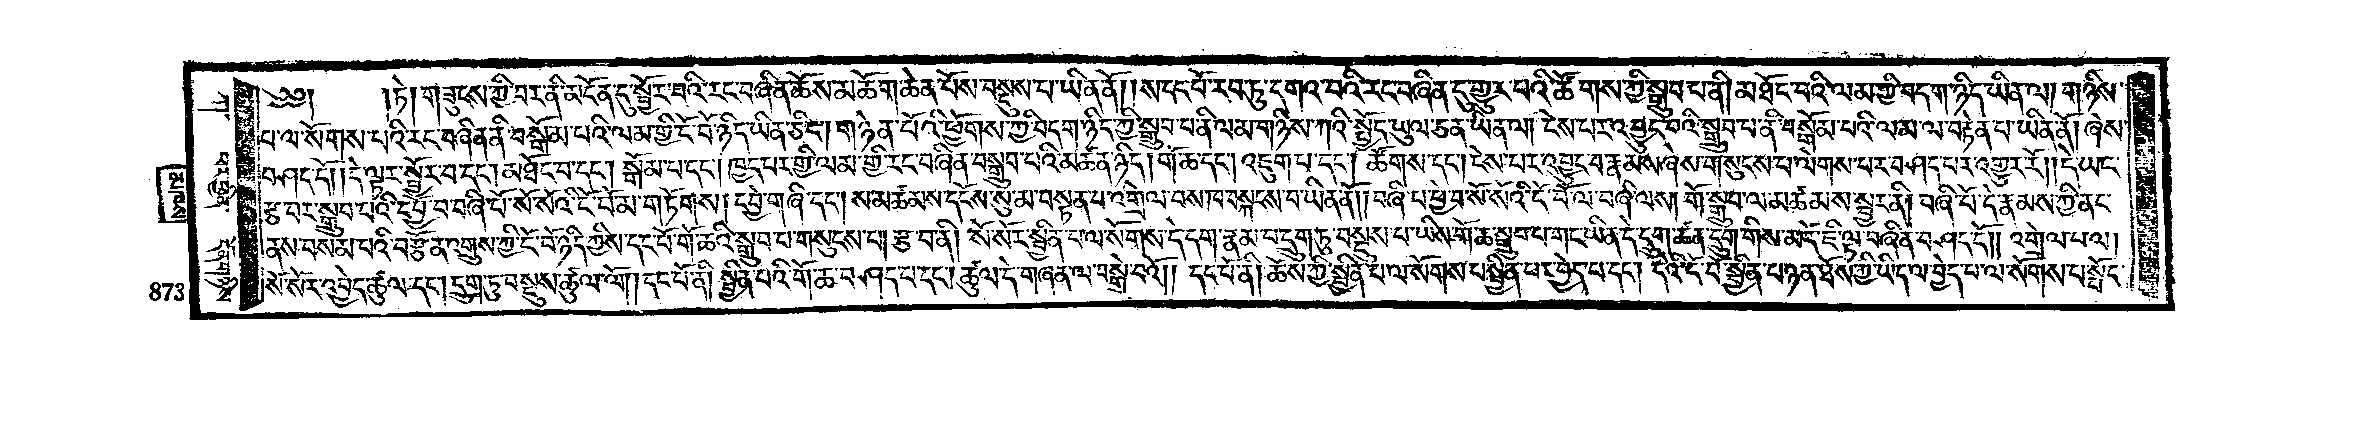༄༅། །ཏེ། གཟུངས་ཀྱི་བར་ནི་མངོན་དུ་སྦྱོར་བའི་རང་བཞིན་ཆོས་མཆོག་ཆེན་པོས་བསྡུས་པ་ཡིན་ནོ། །ས་དང་པོ་རབ་ཏུ་དགའ་བའི་རང་བཞིན་དུ་གྱུར་པའི་ཚོགས་ཀྱི་སྒྲུབ་པ་ནི། མཐོང་བའི་ལམ་གྱི་བདག་ཉིད་ཡིན་ལ། གཉིས་
པ་ལ་སོགས་པའི་རང་བཞིན་ནི་བསྒོམ་པའི་ལམ་གྱི་ངོ་བོ་ཉིད་ཡིན་ཅིང་། གཉེན་པོའི་ཕྱོགས་ཀྱི་བདག་ཉིད་ཀྱི་སྒྲུབ་པ་ནི་ལམ་གཉིས་ཀའི་སྤྱོད་ཡུལ་ཅན་ཡིན་ལ། ངེས་པར་འབྱུང་བའི་སྒྲུབ་པ་ནི་བསྒོམ་པའི་ལམ་ལ་བརྟེན་པ་ཡིན་ནོ། ཞེས་
བཤད་དོ། །དེ་ལྟར་སྦྱོར་བ་དང་། མཐོང་བ་དང་། སྒོམ་པ་དང་། ཁྱད་པར་གྱི་ལམ་གྱི་རང་བཞིན་བསྒྲུབ་པའི་མཚན་ཉིད། གོ་ཆ་དང་། འཇུག་པ་དང་། ཚོགས་དང་། ངེས་པར་འབྱུང་བ་རྣམས་ཞེས་གསུངས་པ་ལེགས་པར་བཤད་པར་འགྱུར་རོ། །དེ་ཡང་
རྩ་བར་སྒྲུབ་པའི་དཔྱོད་བ་བཞི་པོ་སོ་སོའི་ངོ་བོ་མ་གཏོགས། དབྱེ་གཞི་དང་། ས་མཚམས་དངོས་སུ་མ་བསྟན་པ་འགྲེལ་བས་ཁ་བསྐངས་པ་ཡིན་ནོ། །བཞི་པ་ཕྱེ་བ་སོ་སོའི་ངོ་བོ་ལ་བཞི་ལས། གོ་སྒྲུབ་ལ་མཚམས་སྦྱར་ནི། བཞི་པོ་དེ་རྣམས་ཀྱི་ནང་
ནས་བསམ་པའི་བརྩོན་འགྲུས་ཀྱི་ངོ་བོ་ཉིད་ཀྱིས་དང་པོ་གོ་ཆའི་སྒྲུབ་པ་གསུངས་པ། རྩ་བ་ནི། སོ་སོར་སྦྱིན་པ་ལ་སོགས་དེ་དག་རྣམ་པ་དྲུག་ཏུ་བསྡུས་པ་ཡིས་གོ་ཆ་སྒྲུབ་པ་གང་ཡིན་དེ་དྲུག་ཚན་དྲུག་གི་མདོ་ཇི་ལྟ་བཞིན་བཤད་དོ། །འགྲེལ་པ་ལ།
སོ་སོར་འབྱེད་ཚུལ་དང་། དྲུག་ཏུ་བསྡུས་ཚུལ་ལོ། །དང་པོ་ནི། སྦྱིན་པའི་གོ་ཆ་བཤད་པ་དང་། ཚུལ་དེ་གཞན་ལ་བསྒྲེ་བའོ། །དང་པོ་ནི། ཆོས་ཀྱི་སྦྱིན་པ་ལ་སོགས་པ་སྦྱིན་པར་བྱེད་པ་དང་། དེའི་ངོ་བོ་སྦྱིན་པ་ཉན་ཐོས་ཀྱི་ཡིད་ལ་བྱེད་པ་ལ་སོགས་པ་སྤོང་